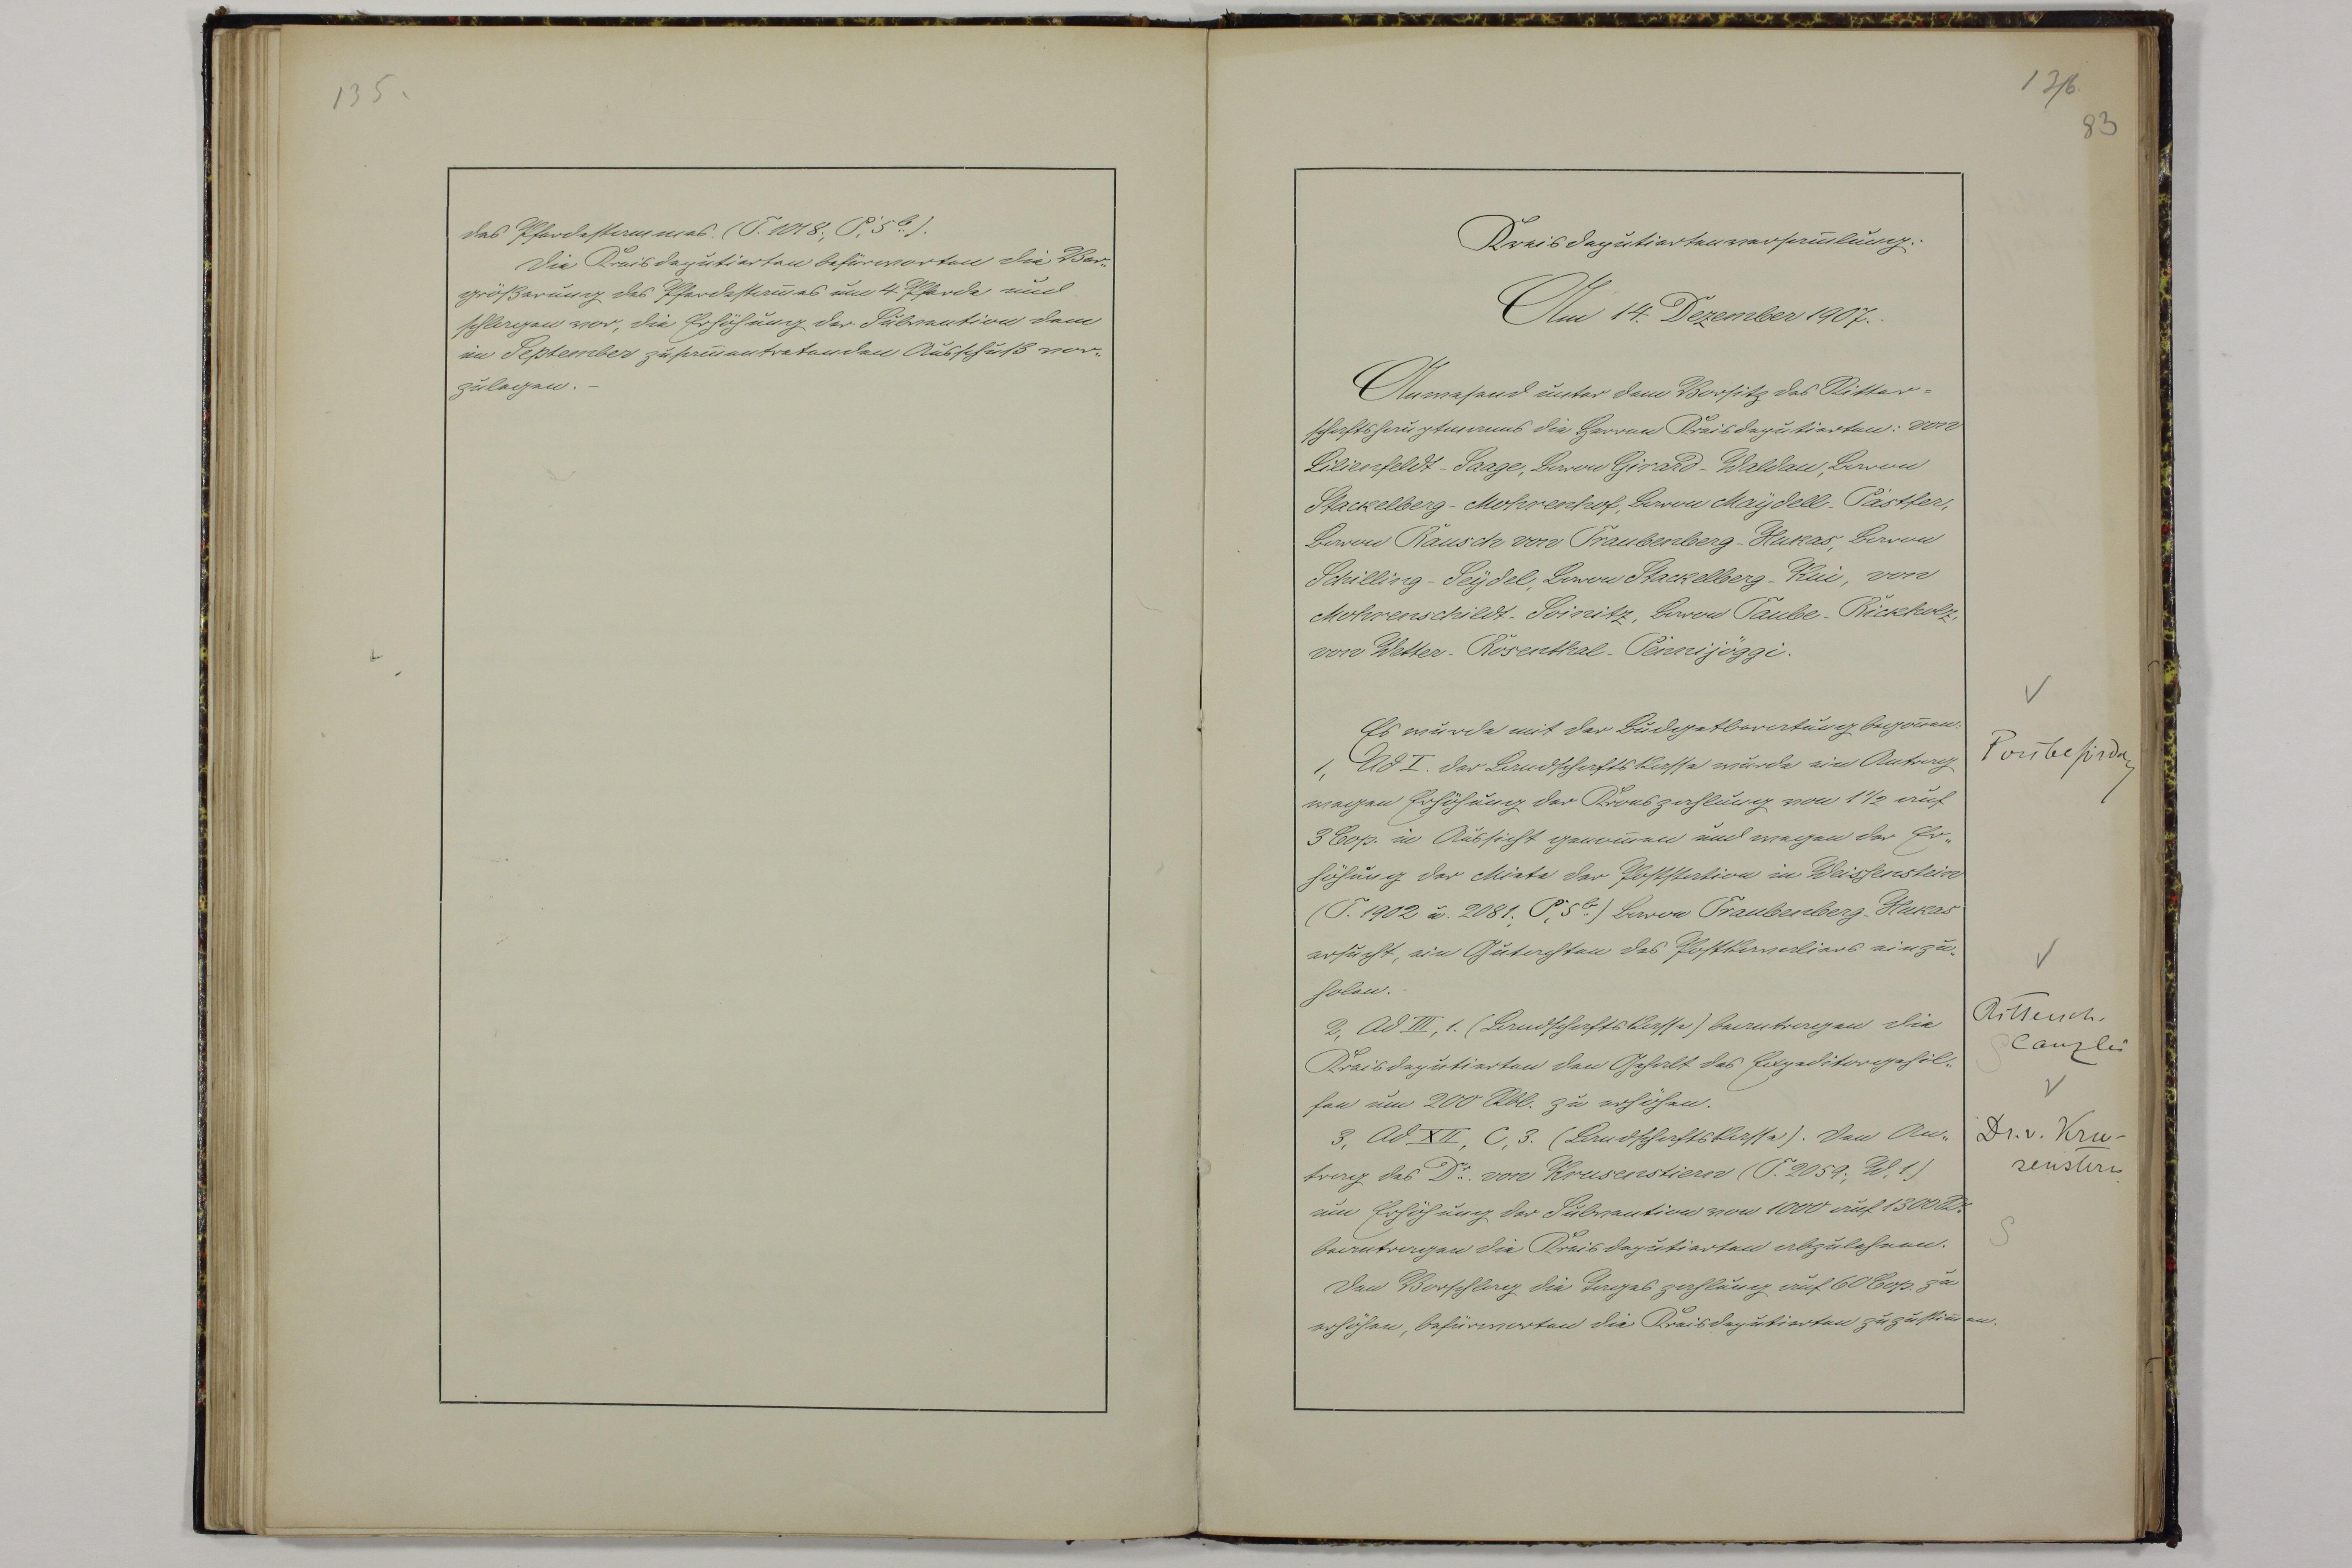des Pferdestammes. (T.1018; P.5b).
Die Kreisdeputierten befürworten die Ver-
größerung des Pferdestammes um 4 Pferde und
schlagen vor, die Erhöhung der Subvention dem
im September zusammentretenden Ausschuß vor-
zulegen.
Kreisdeputiertenversammlung.
Am 14. Dezember 1907.
Anwesend unter dem Vorsitz des Ritter-
schaftshauptmanns die Herren Kreisdeputierten: von
Lilienfeldt-Saage, Baron Girard-Waldau, Baron
Stackelberg-Mohrenhof, Baron Maydell-Pastfer,
Baron Rausch von Traubenberg-Hukas, Baron
Schilling-Seydel, Baron Stackelberg-Kui, von
Mohrenschildt-Soinitz, Baron Taube-Rickholz,
von Wetter-Rosenthal-Pennijöggi.
Es wurde mit der Budgetberatung begonnen:
1. Ad I. der Landschaftskasse wurde ein Antrag
wegen Erhöhung der Kronszahlung von 1½ auf
3 Cop. in Aussicht genommen und wegen der Er-
höhung der Miete der Poststation in Weissenstein
(T.1902 u. 2081; P.5b) Baron Traubenberg-Hukas
ersucht, ein Gutachten des Postkavaliers einzu-
holen.
2. Ad III,1. (Landschaftskasse) beantragen die
Kreisdeputierten, den Gehalt des Expeditorgehil-
fen um 200 Rbl. zu erhöhen.
3. Ad XII. C,3. (Landschaftskasse). Den An-
trag des Dr. von Krusenstiern (T.2059; W.1)
um Erhöhung der Subvention von 1000 auf 1300 Ro.
beantragen die Kreisdeputierten abzulehnen.
Dem Vorschlag die Tageszahlung auf 60 Cop. zu
erhöhen, befürworten die Kreisdeputierten zuzustimmen.
Postbehörden
Rittersch.
Canzlei
Dr. v. Kru-
senstern